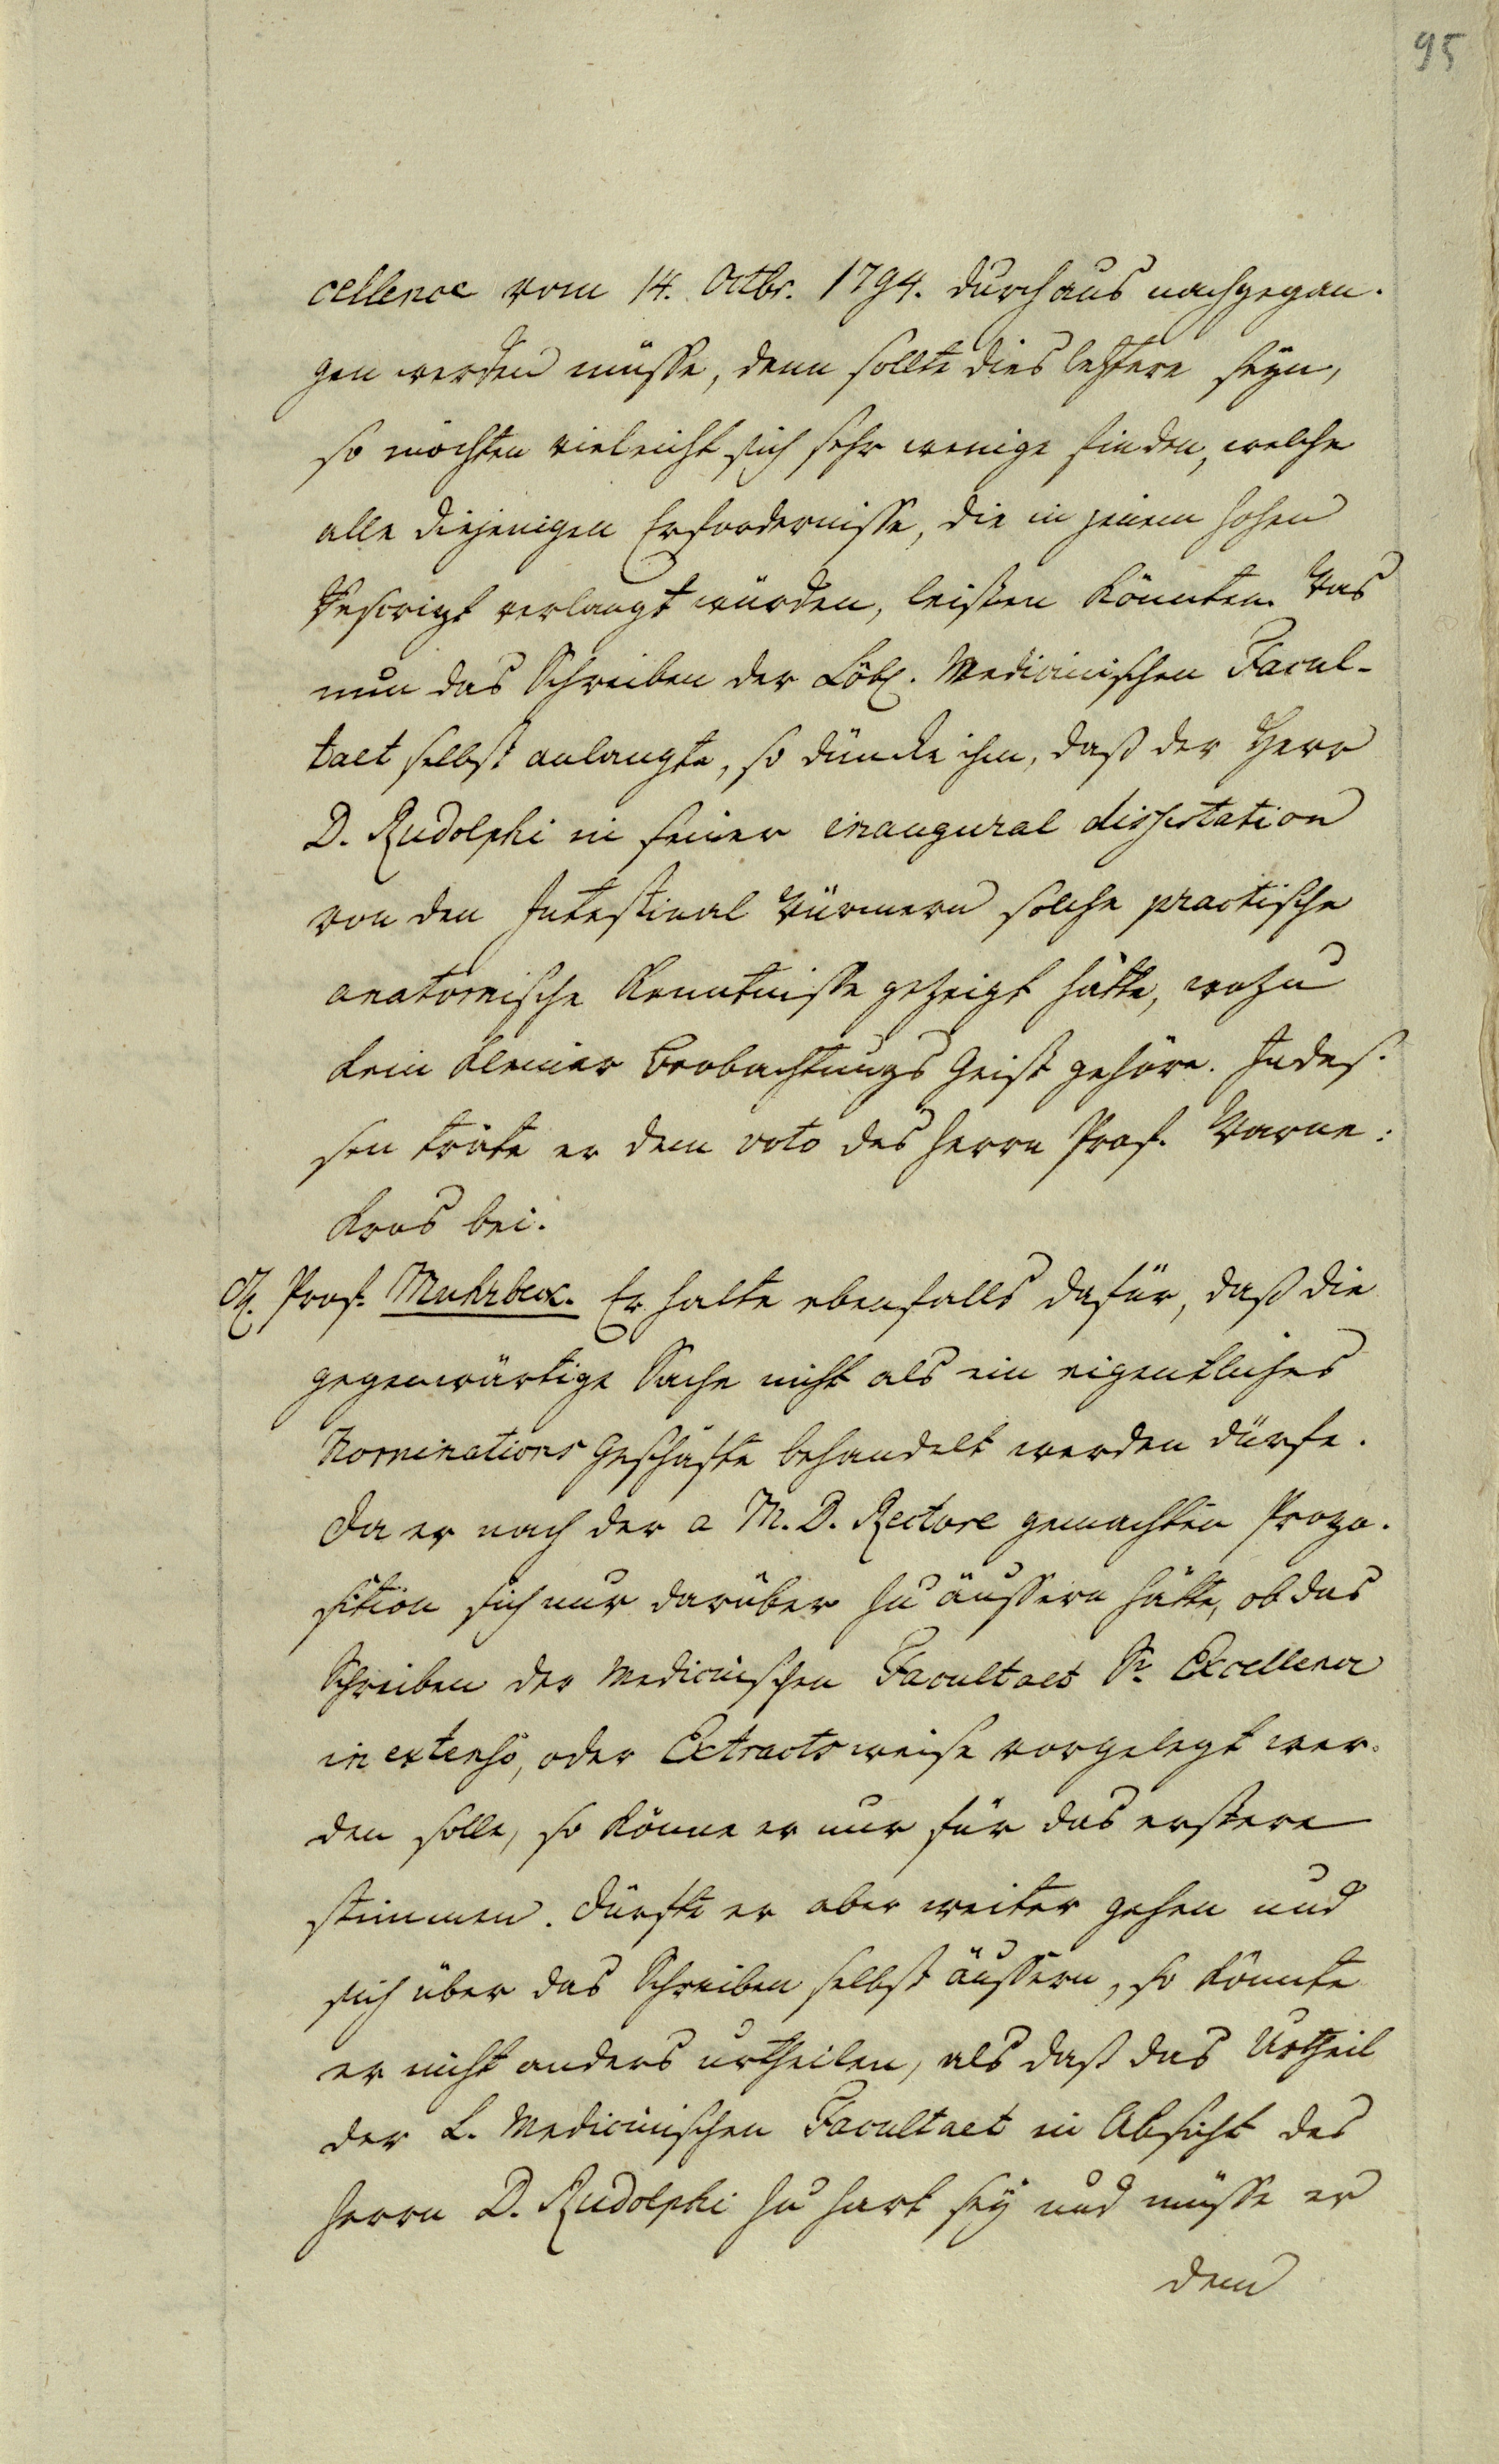cellence vom 14. Octbr. 1794. durchaus nachgegan¬
gen werden müsse, denn sollte dies letztere seÿn,
so möchten vieleicht sich sehr wenige finden, welche
alle diejenigen Erfordernisse, die in jenem hohen
Rescript verlangt würden, leisten könnten. Was
nun das Schreiben der Löbl. Medicinischen Facul¬
taet selbst anlangte, so düncke ihm, daß der Herr
D. Rudolphi in seiner inaugural dissertation
von den Intestinal Würmern solche practische
anatomische Kenntnisse gezeigt hätte, wozu
kein kleiner Beobachtungs Geist gehöre. Indes¬
sen träte er dem voto des Herrn Prof. Warne¬
kros bei.
dh. Prof. Muhrbeck. Er halte ebenfalls dafür, daß die
gegenwärtige Sache nicht als ein eigentliches
Nominations Geschäfte behandelt werden dürfe.
Da er nach der a M. D. Rectore gemachten Propo¬
sition sich nur darüber zu äussern hätte, ob das
Schreiben der Medicinischen Facultaet Sr Excellence
in extenso, oder Extractsweise vorgelegt wer¬
den solle, so könne er nur für das erstere
stimmen. Dürfte er aber weiter gehen und
sich über das Schreiben selbst äussern, so könnte
er nicht anders urtheilen, als daß das Urtheil
der L. Medicinischen Facultaet in Absicht des
Herrn D. Rudolphi zu hart seÿ und müsse er
dem